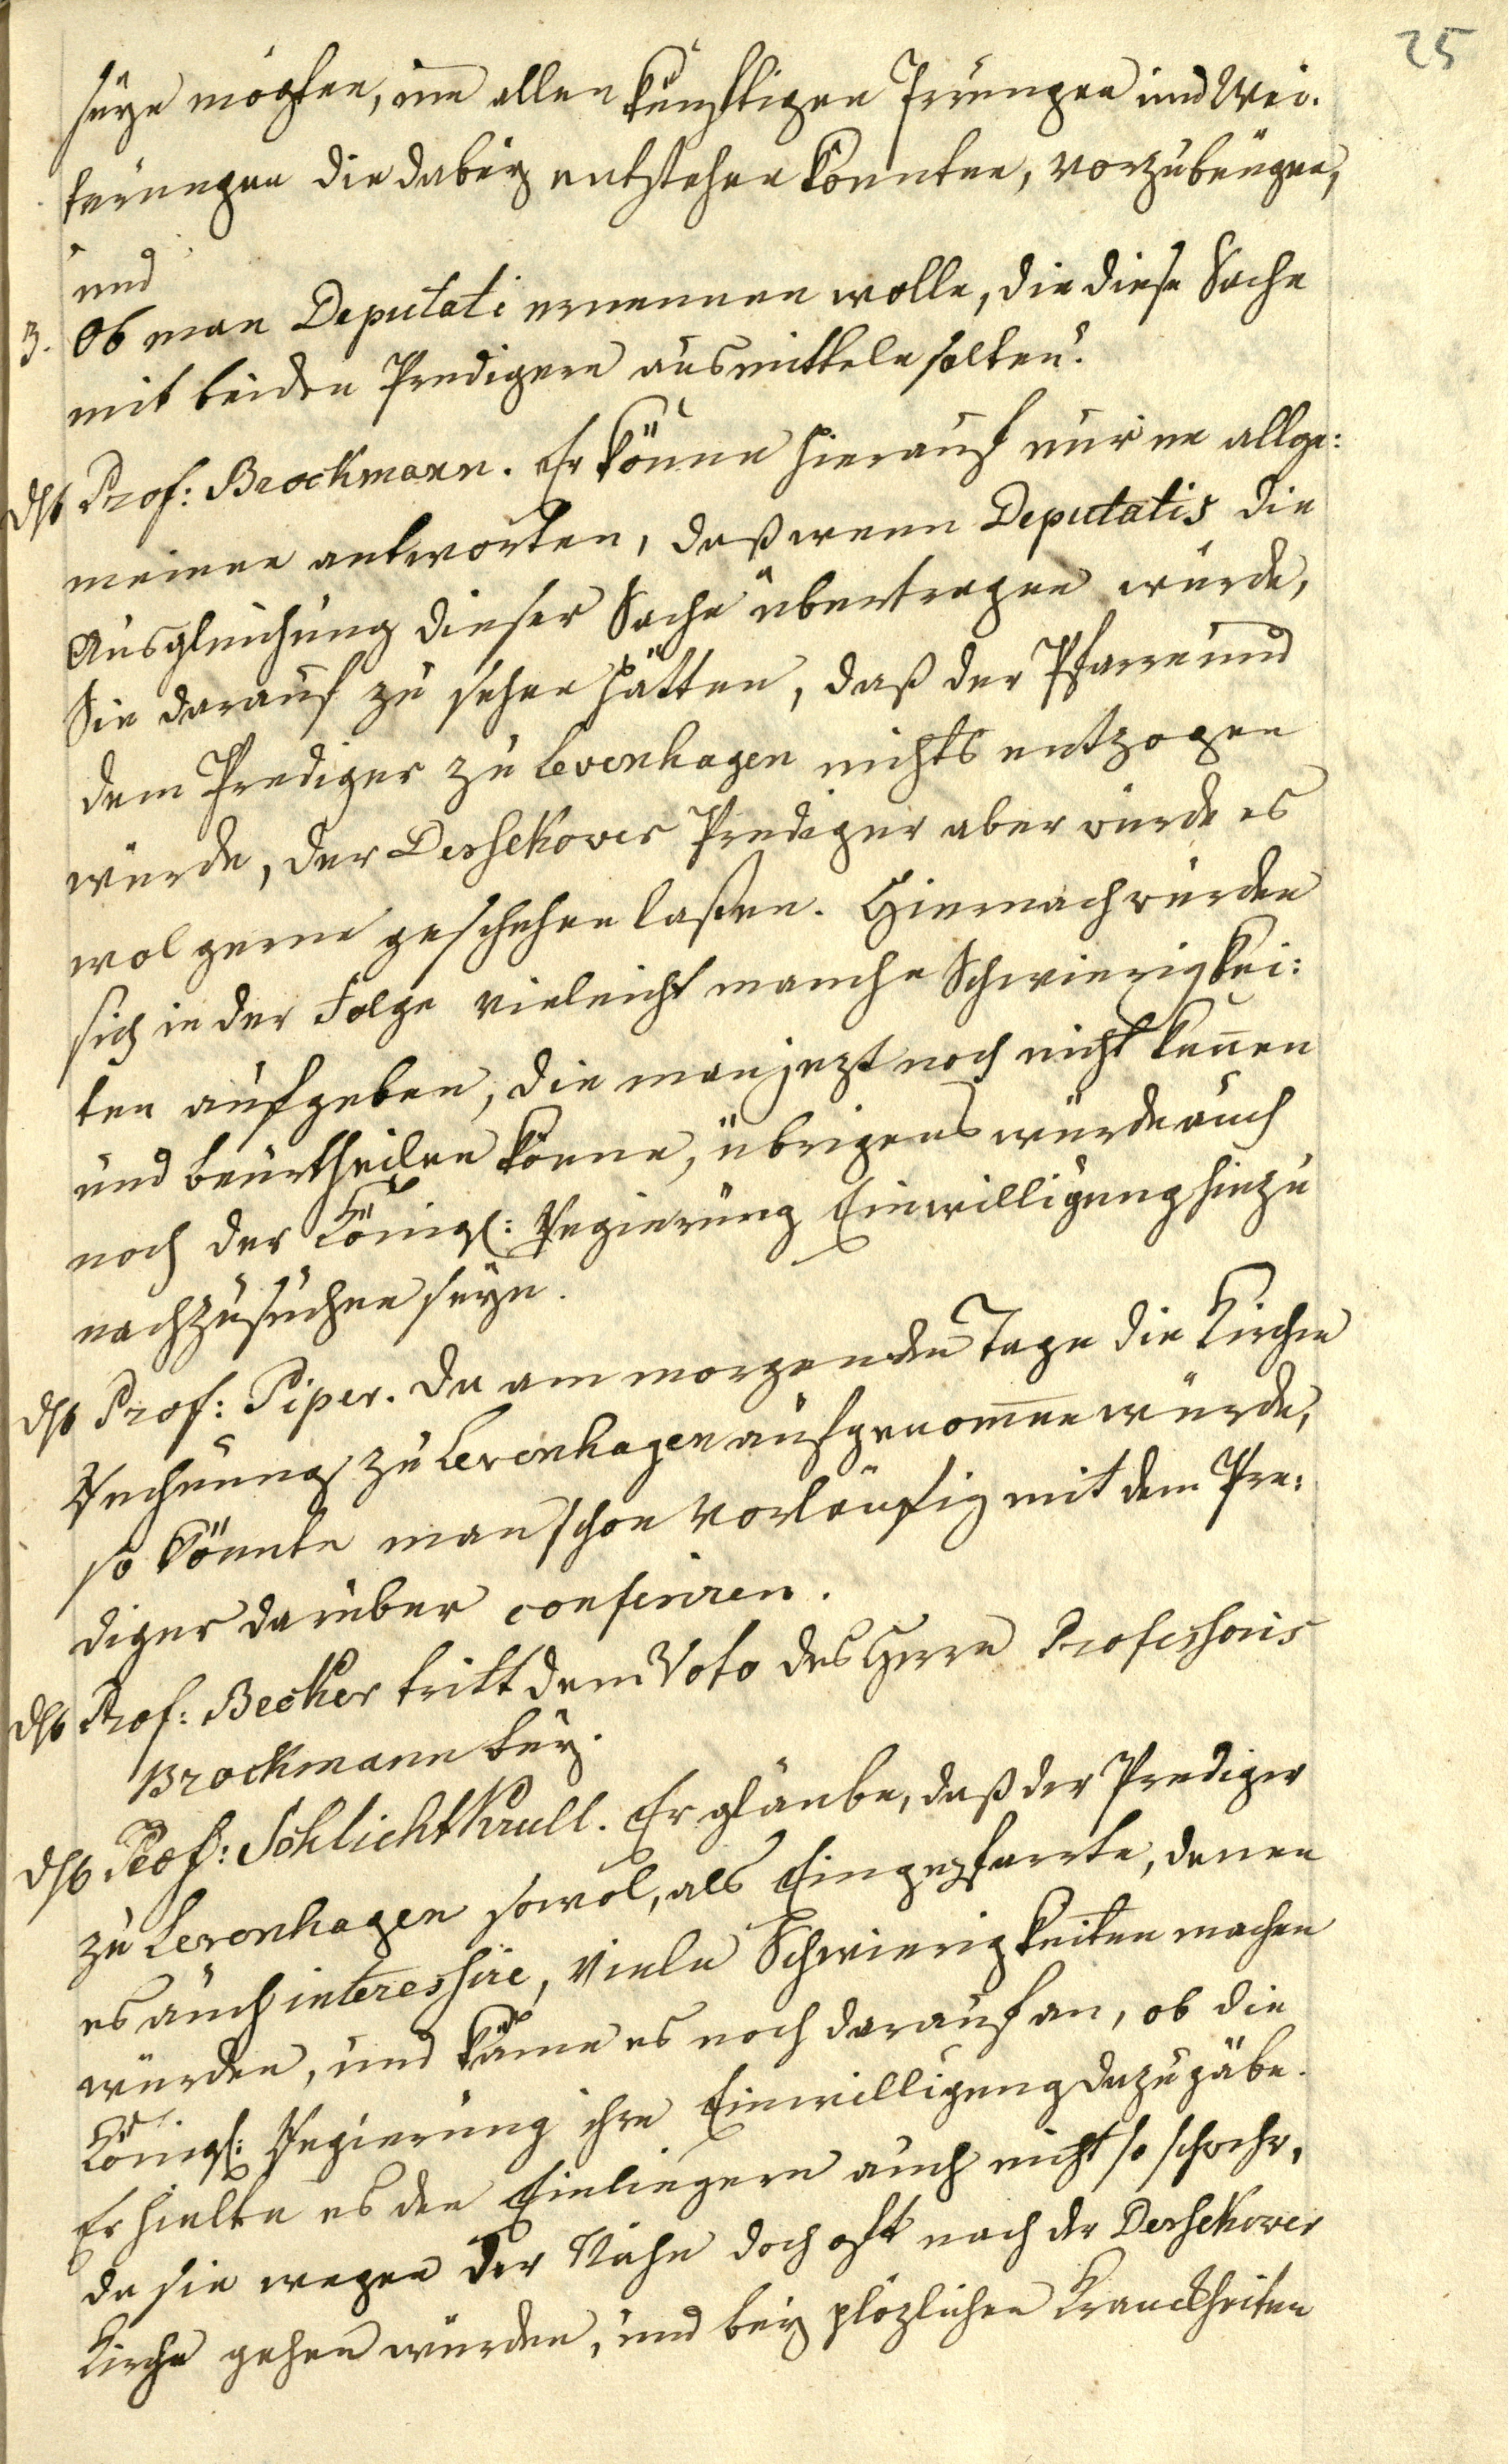seÿn mögten, um allen künftigen Irrungen und Wei¬
terungen die dabeÿ entstehen könnten, vorzubeugen,
und
3. Ob man Deputati ernennen wolle, die diese Sache
mit beiden Predigern ausmitteln solten?
dh Prof. Brockmann. Er könne hierauf nur im allge¬
meinen antworten, daß wenn Deputatis die
Ausgleichung dieser Sache übertragen würde,
Sie darauf zu sehen hätten, daß der Pfarre und
dem Prediger zu Levenhagen nichts entzogen
würde, der Dersekower Prediger aber würde es
wol gerne geschehen laßen. Hiernach würden
sich in der Folge vieleicht manche Schwierigkei¬
ten aufgeben, die man jezt noch nicht kenen
und beurtheilen könne, übrigens würde auch
noch der Königl. Regierung Einwilligung hiezu
nachzusuchen seÿn.
dh Prof. Piper. Da am morgenden Tage die Kirchen
Rechnung zu Levenhagen aufgenomen würde,
so könnte man schon vorläufig mit dem Pre¬
diger darüber conferiren.
dh Prof. Becker tritt dem Voto des Herrn Professoris
Brockmann beÿ.
dh. Prof. Schlichtkrull. Er glaube, daß der Prediger
zu Levenhagen sowol, als Eingepfarrte, denen
es auch interessire, viele Schwierigkeiten machen
würde, und käme es noch darauf an, ob die
Königl. Regierung ihre Einwilligung dazu gäbe.
Er hielte es den Einliegern auch nicht so schwehr,
da sie wegen der Nähe doch oft nach der Dersekower
Kirche gehen würden, und beÿ plötzlichen Kranckheiten